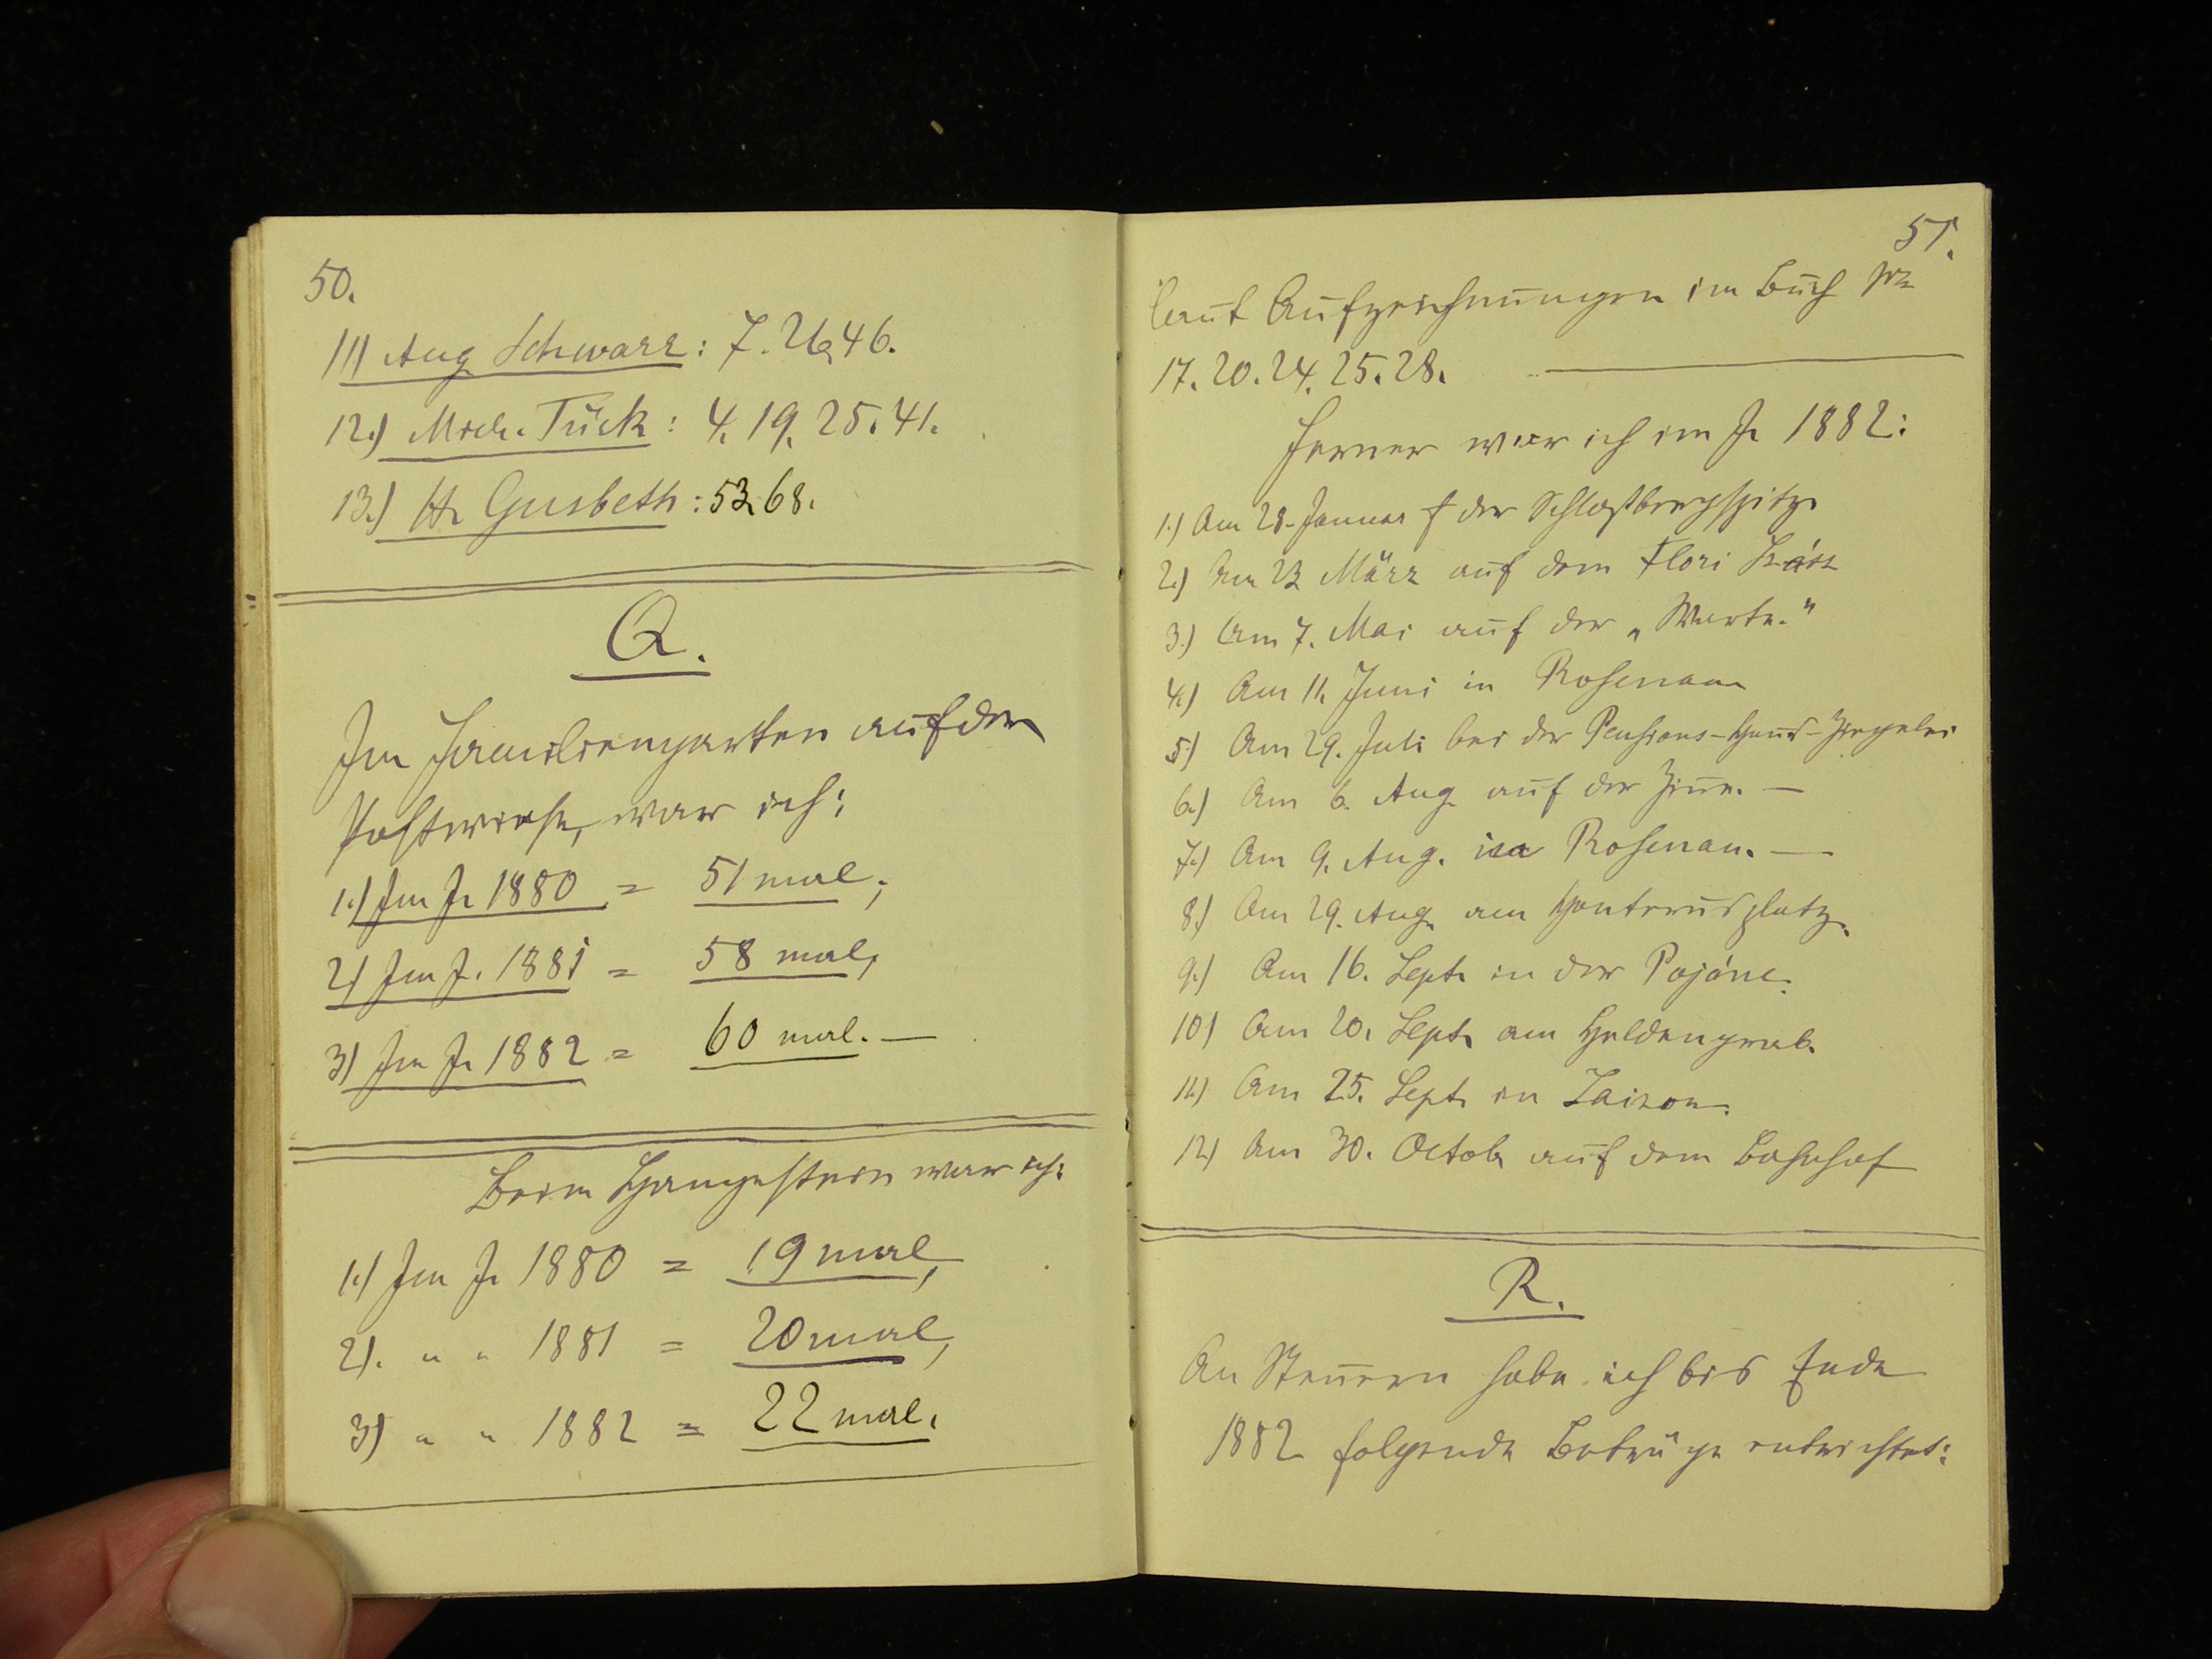50
11.) Aug. Schwarz 7.26.46.
12.) Mich. Türk 4.19.25.41.
13.) Heinr. Gusbeth 53.68.
Q
Im Familiengarten auf der
Postwiese war ich :
1.) Im Jahre 1880 = 51 mal.-
2.) * 1881 = 58 mal.-
3.) * 1882 = 60 mal.-
Beim Hangestein war ich:
1.) Im Jahre 1880 = 19 mal.-
2.) * 1881 = 20 mal
3.) * 1882 = 22 mal.-
51
Laut Aufzeichnungen im Buch Nr:
17.20.24.25.28
Ferner war ich im J. 1882:
1.) Am 28. Januar auf der Schloßbergspitze
2.) * 23. März auf dem Flori Szasz
3.) * 7. Mai auf der „Warte“
4.) * 11. Juni in Rosenau
5.) * 29 Juli bei der Pensions-Haus-Ziegelei
6.) + 6. August auf der Zinne
7.) * 9. August in Rosenau
8.) * 29. August am Honterusplatz
9.) * 16. Septem. In der Pojane
10.) * 20. Septem. am Heldendengrab
11.) * 25. Septem. In Zaizon
12.) * 30. Octob. auf dem Bahnhof
R
An Steuern habe ich bis Ende
1882 folgende Beträge entrichtet: